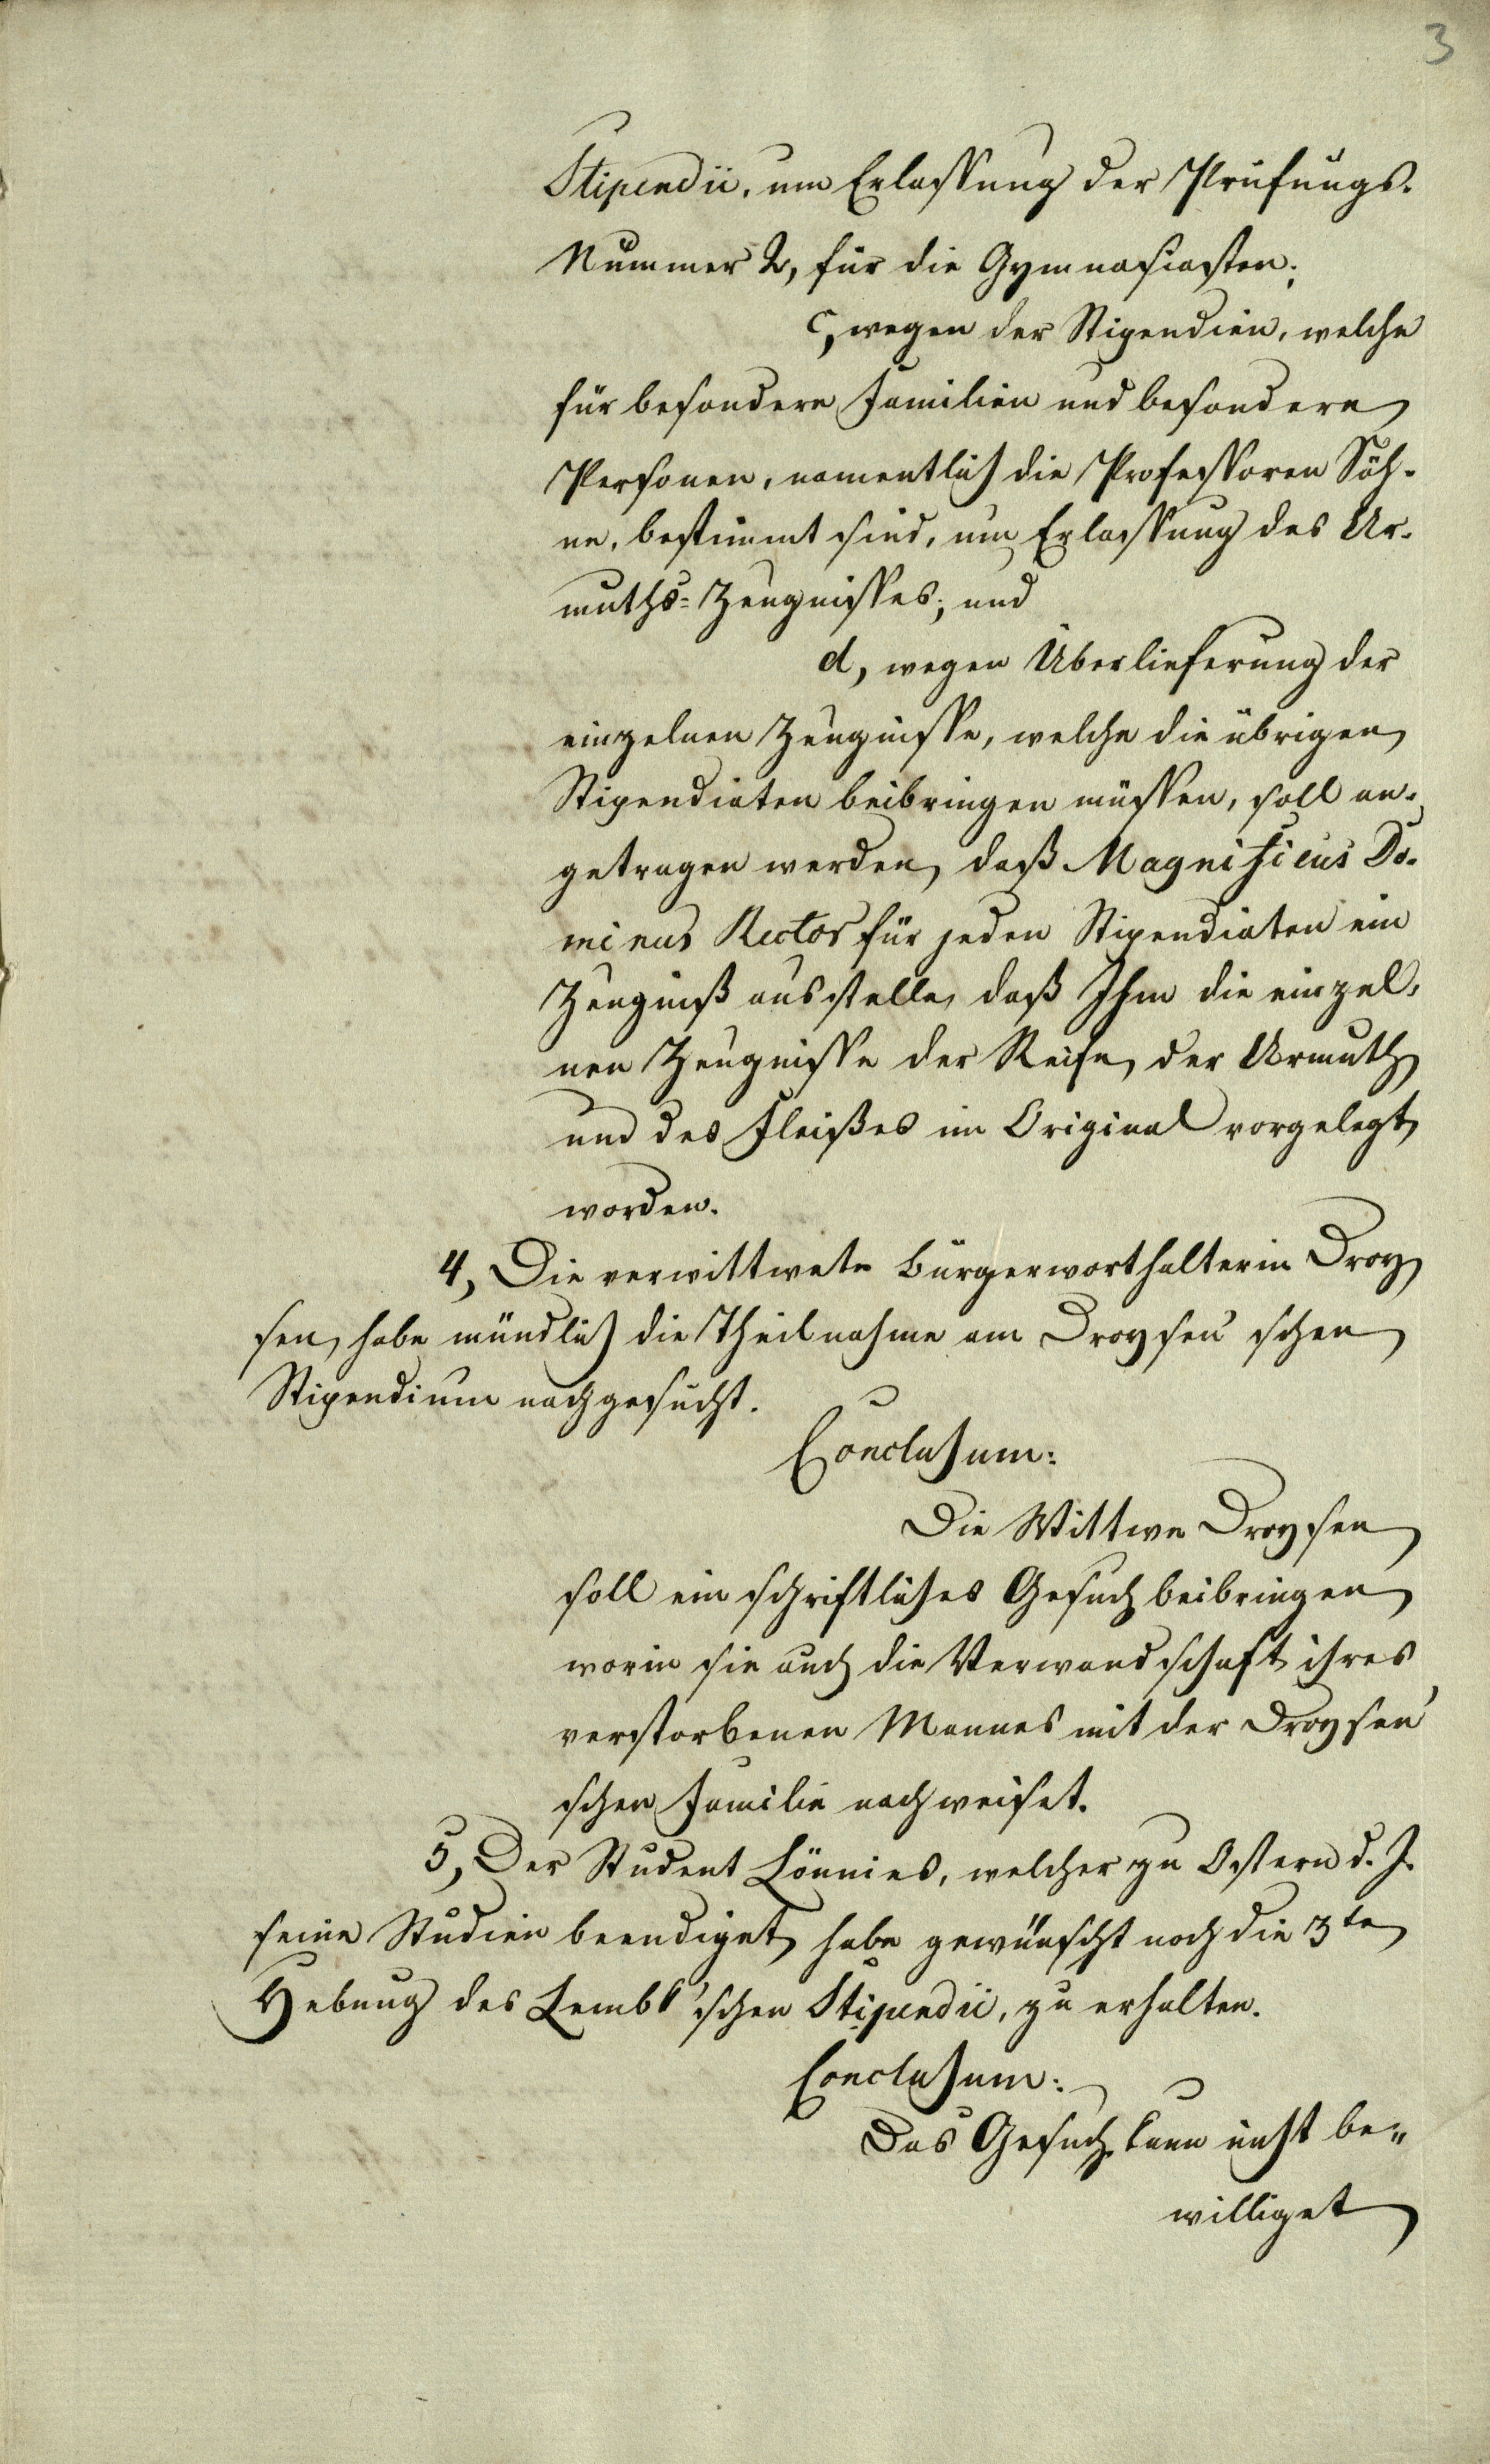Stipendii, um Erlassung der Prüfungs¬
Nummer 2, für die Gymnasiasten;
c, wegen der Stipendien, welche
für besondere Familien und besondere
Personen, namentlich die Professoren Söh¬
ne, bestimmt sind, um Erlassung des Ar¬
muths-Zeugnisses, und
d, wegen Überlieferung der
einzelnen Zeugnisse, welche die übrigen
Stipendiaten beibringen müssen, soll an¬
getragen werden, daß Magnificus Do¬
minus Rector für jeden Stipendiaten ein
Zeugniß ausstellen daß Ihm die einzel¬
nen Zeugnisse der Reife, der Armuth,
und des Fleißes im Original vorgelegt
worden.
4, Die verwittwete Bürgerworthalterin Droy¬
sen, habe mündlich die Theilnahme Droysen'schen
Stipendium nachgesucht.
Conclusum:
Die Wittwe Droysen
soll ein schriftliches Gesuch beibringen,
worin sie auch die Verwandschaft ihres
verstorbenen Mannes mit der Droysen'
schen Familie nachweiset.
5, Der Student Lönnies, welcher zu Ostern d. J.
seine Studien beendiget, habe gewünscht noch die 3te
Hebung des Lembk'schen Stipendii, zu erhalten.
Conclusum:
Das Gesuch kann nicht be¬
williget